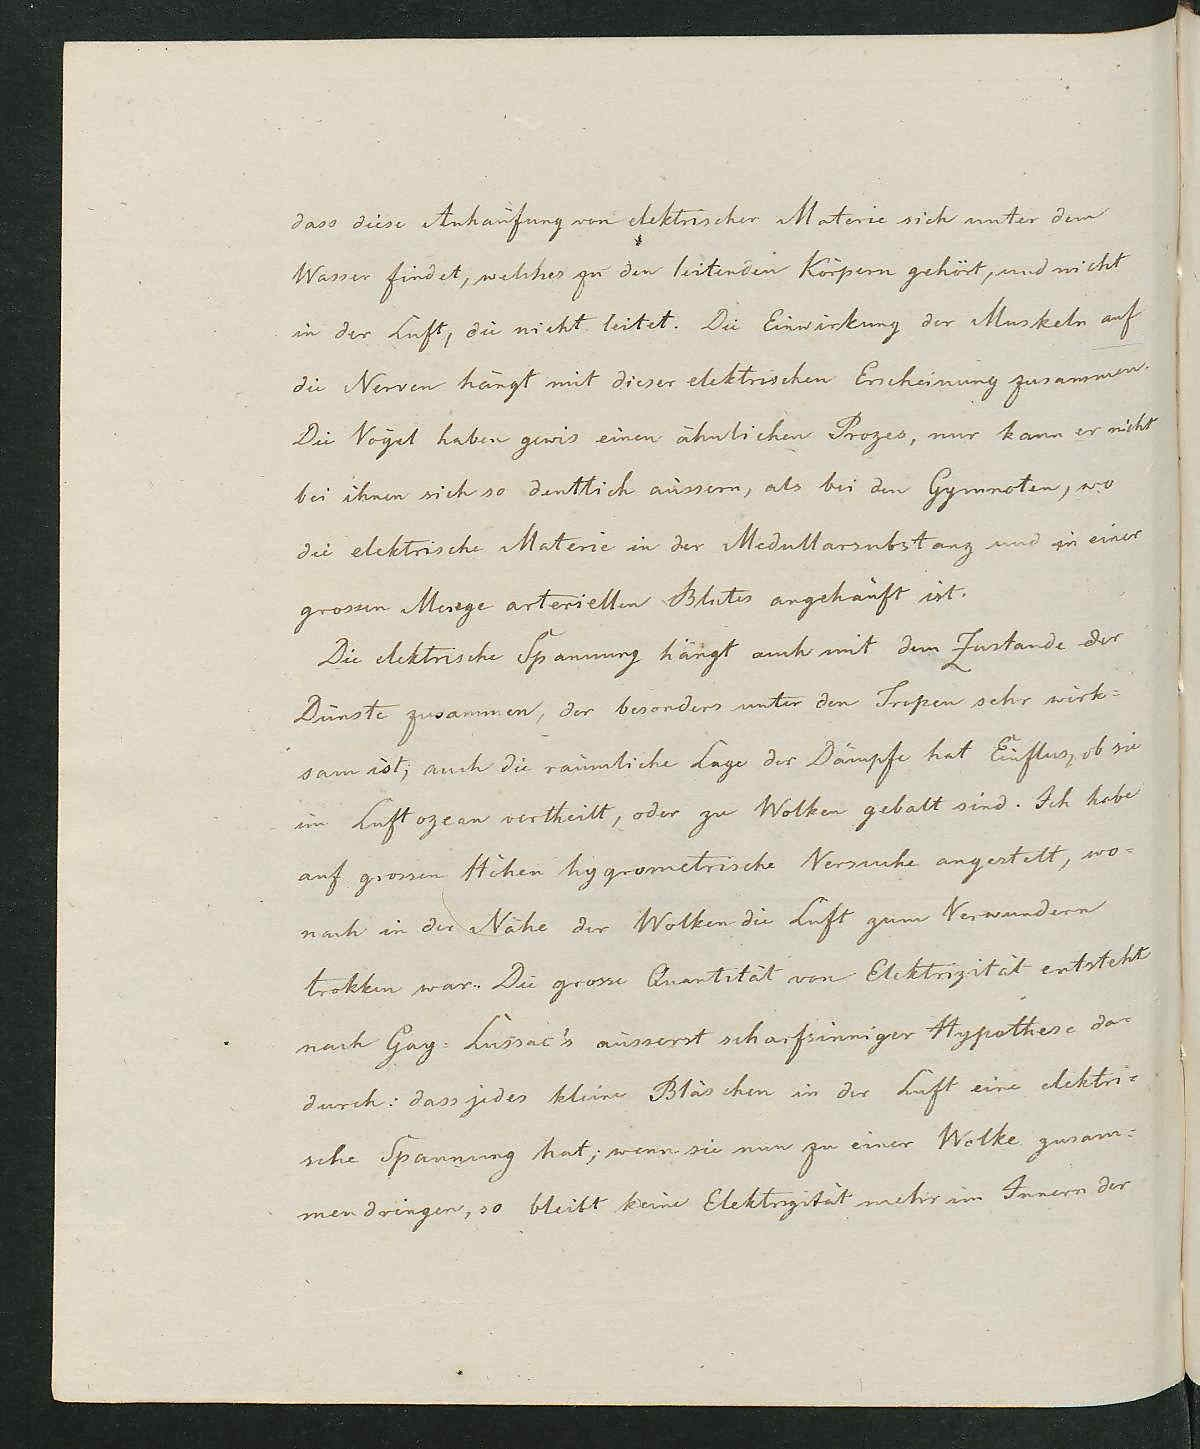dass diese Anhäufung von elektrischer Materie sich unter dem
Wasser findet, welches zu den leitenden Körpern gehört, und nicht
in der Luft, die nicht leitet. Die Einwirkung der Muskeln auf
die Nerven hängt mit dieser elektrischen Erscheinung zusammen.
Die Vögel haben gewis einen ähnlichen Prozes, nur kann er nicht
bei ihnen sich so deutlich äussern, als bei den Gymnoten, wo
die elektrische Materie in der Medullarsubstanz und in einer
grossen Menge arteriellen Blutes angehäuft ist.
Die elektrische Spannung hängt auch mit dem Zustande der
Dünste zusammen, der besonders unter den Tropen sehr wirk-
sam ist, auch die räumliche Lage der Dämpfe hat Einflus, ob sie
im Luftozean vertheilt, oder zu Wolken gebalt sind. Ich habe
auf grossen Höhen hygrometrische Versuche angestelt, wo-
nach in der Nähe der Wolken die Luft zum Verwundern
trokken war. Die grosse Quantität von Elektrizität entsteht
nach Gay Lussac's äusserst scharfsinniger Hypothese da-
durch: dass jedes kleine Bläschen in der Luft eine elektri-
sche Spannung hat; wenn sie nun zu einer Wolke zusam-
men dringen, so bleibt keine Elektrizität mehr im Innern der